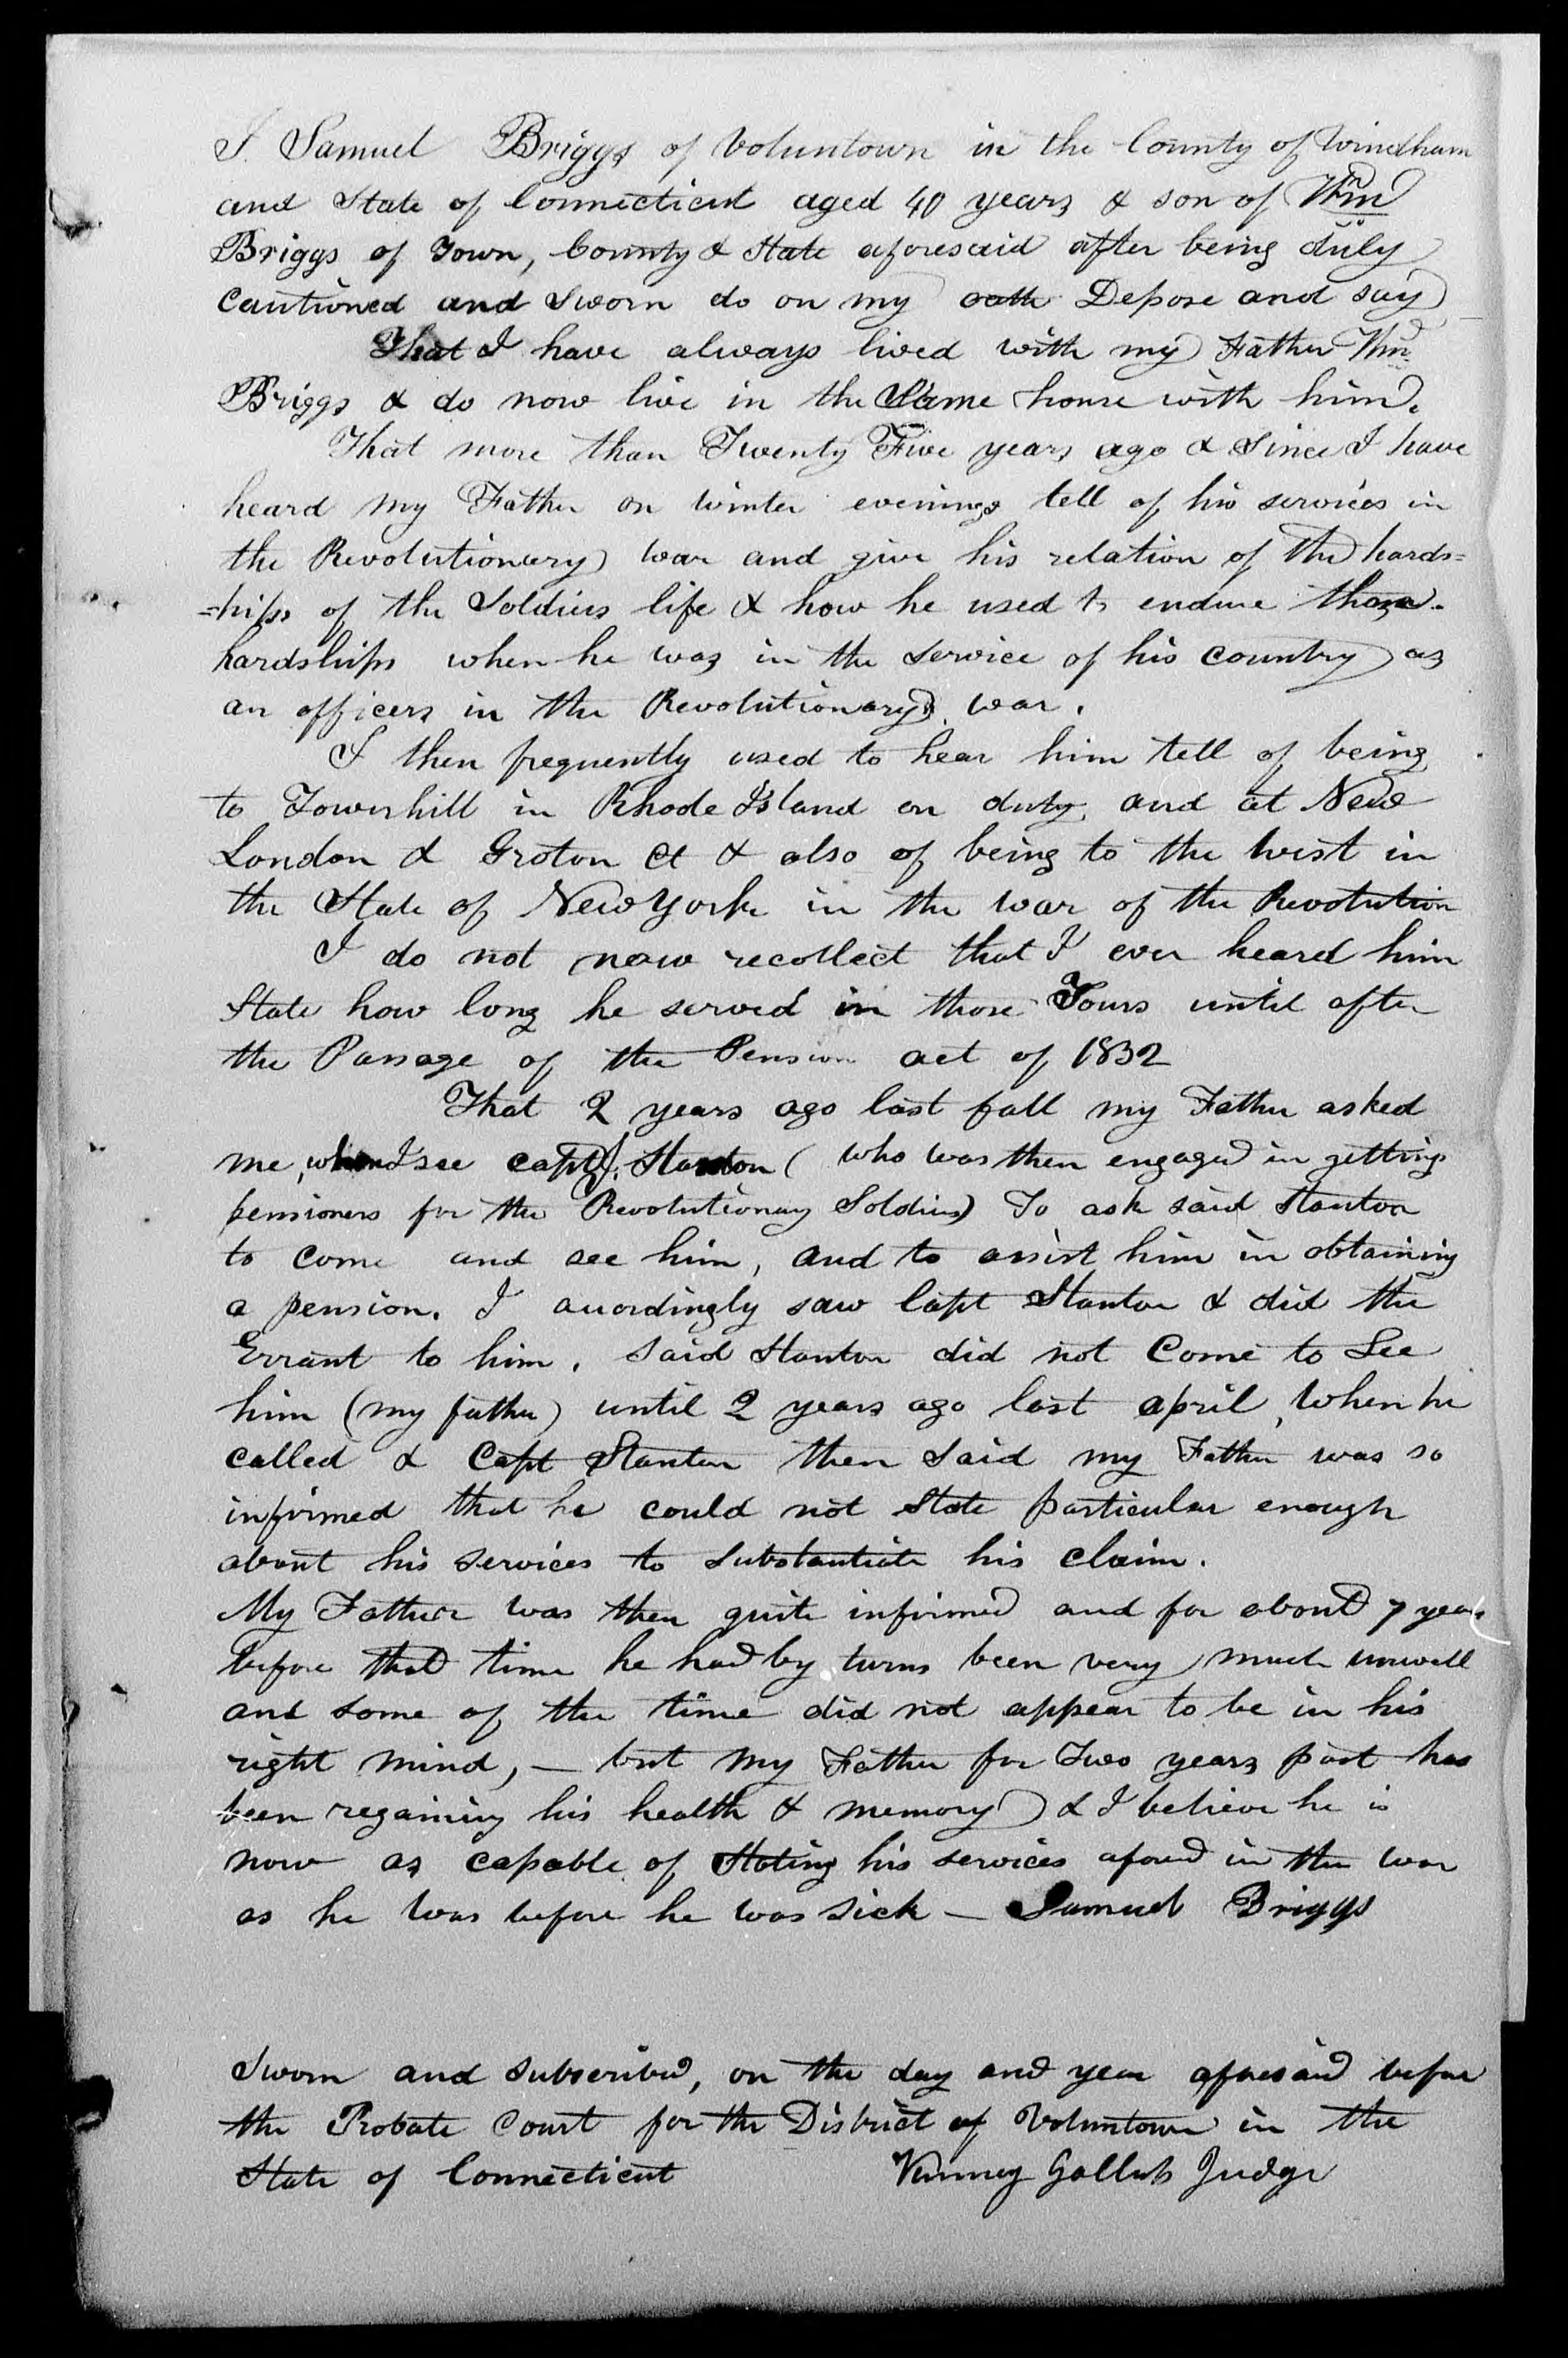I Samuel Briggs of Voluntown in the County of Windham and State of Connecticut aged 40 years & son of Wm Briggs of Town, Country and State aforesaid after being duly cautioned and sworn do on my oath Depose and say that I have always lived with my Father Wm Briggs and do now live in the Same home with him.

That more than twenty Five years ago & Since I have heard my Father on winter evenings tell of his services in the Revolutionary War and give his relation of the hardships of the Soldiers life & how  he used to endure those hardships when he was in the service of his country as a officer in the Revolutionary War.

I then frequently used to hear him tell of his being to Tower hill in Rhode Island on duty at New London & Groton & also of being to the west in the State of New York in the War of the Revolution.  

I do not now recollect that I ever heard him state how long he served in those Tours until after the Passage of the Pension Act of 1832.

That 2 years ago last fall my Father asked me when I see Capt J. Stanton (who was then engaged in getting pensions for the Revolutionary Soldiers), to ask said Stanton to come and see him.  Said Stanton did not come to see him (my Father) until 2 years ago last April, when he called & Capt Stanton then said my Father was so informed that he could not state particular enough about his services to substantiate his claim.

My Father was then quite informed and for about 7 years before that time he had been very much unwell and some of the time did not appear to be in his right mind, - but my Father for these years past has been regaining his health & memory & I believe he is now as capable of stating his services afrsd in the war as he was before he was sick-- Samuel Briggs

Sworn and subscribed, on the day and year aforesaid before the Probate Court for the District of Voluntown in the State of Connecticut

    [Signed} Kenney Gallup  Judge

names: Stanton, Kenney Gallup, Samuel Briggs, Stanton, Wm Briggs, Wm Briggs, Samuel Briggs, J Stanton, Stanton, Stanton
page: 22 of 37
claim: survivor's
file: S. 12,281, William Briggs, Conn.